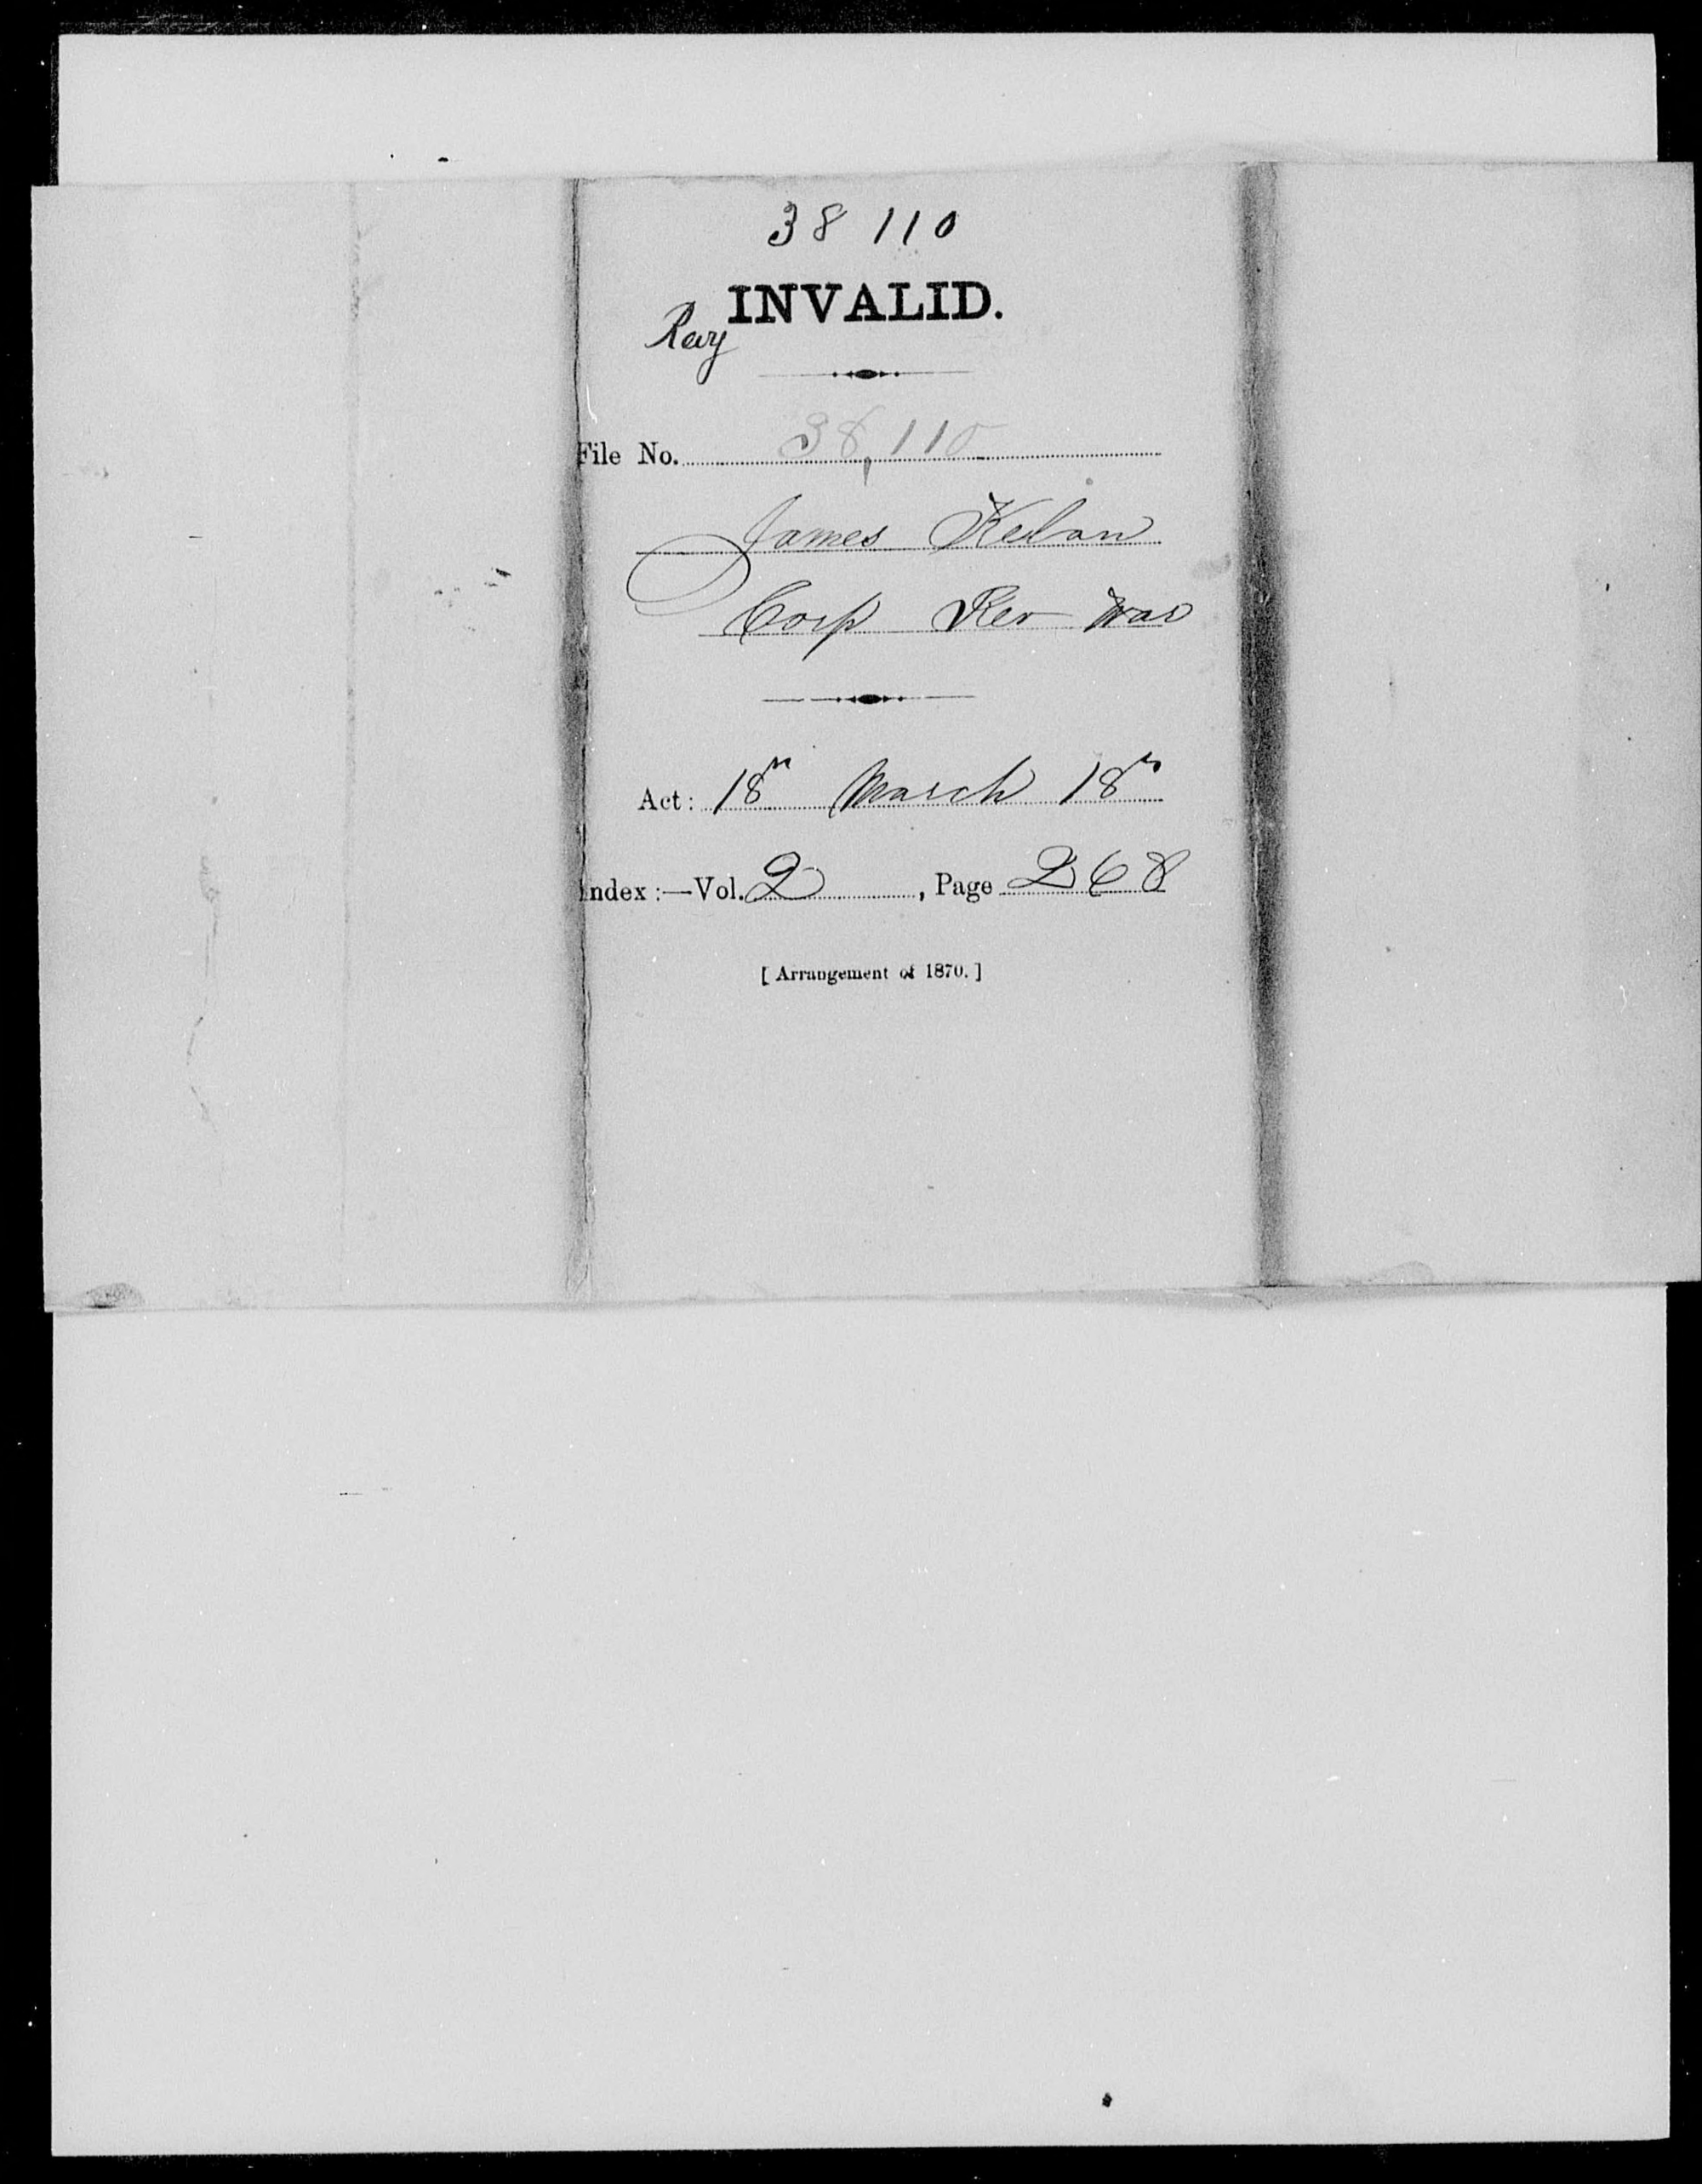38 110
INVALID.
Revy
---------------
File No. 38, 110
James Kelan
Corp Rev War
------------------
Act: 18th March 18th
Index: - Vol. 2, Page 268
[Arrangement of 1870.]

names: James Kelan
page: 3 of 16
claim: survivor's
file: S. 38110, for James Keelan, Maryland